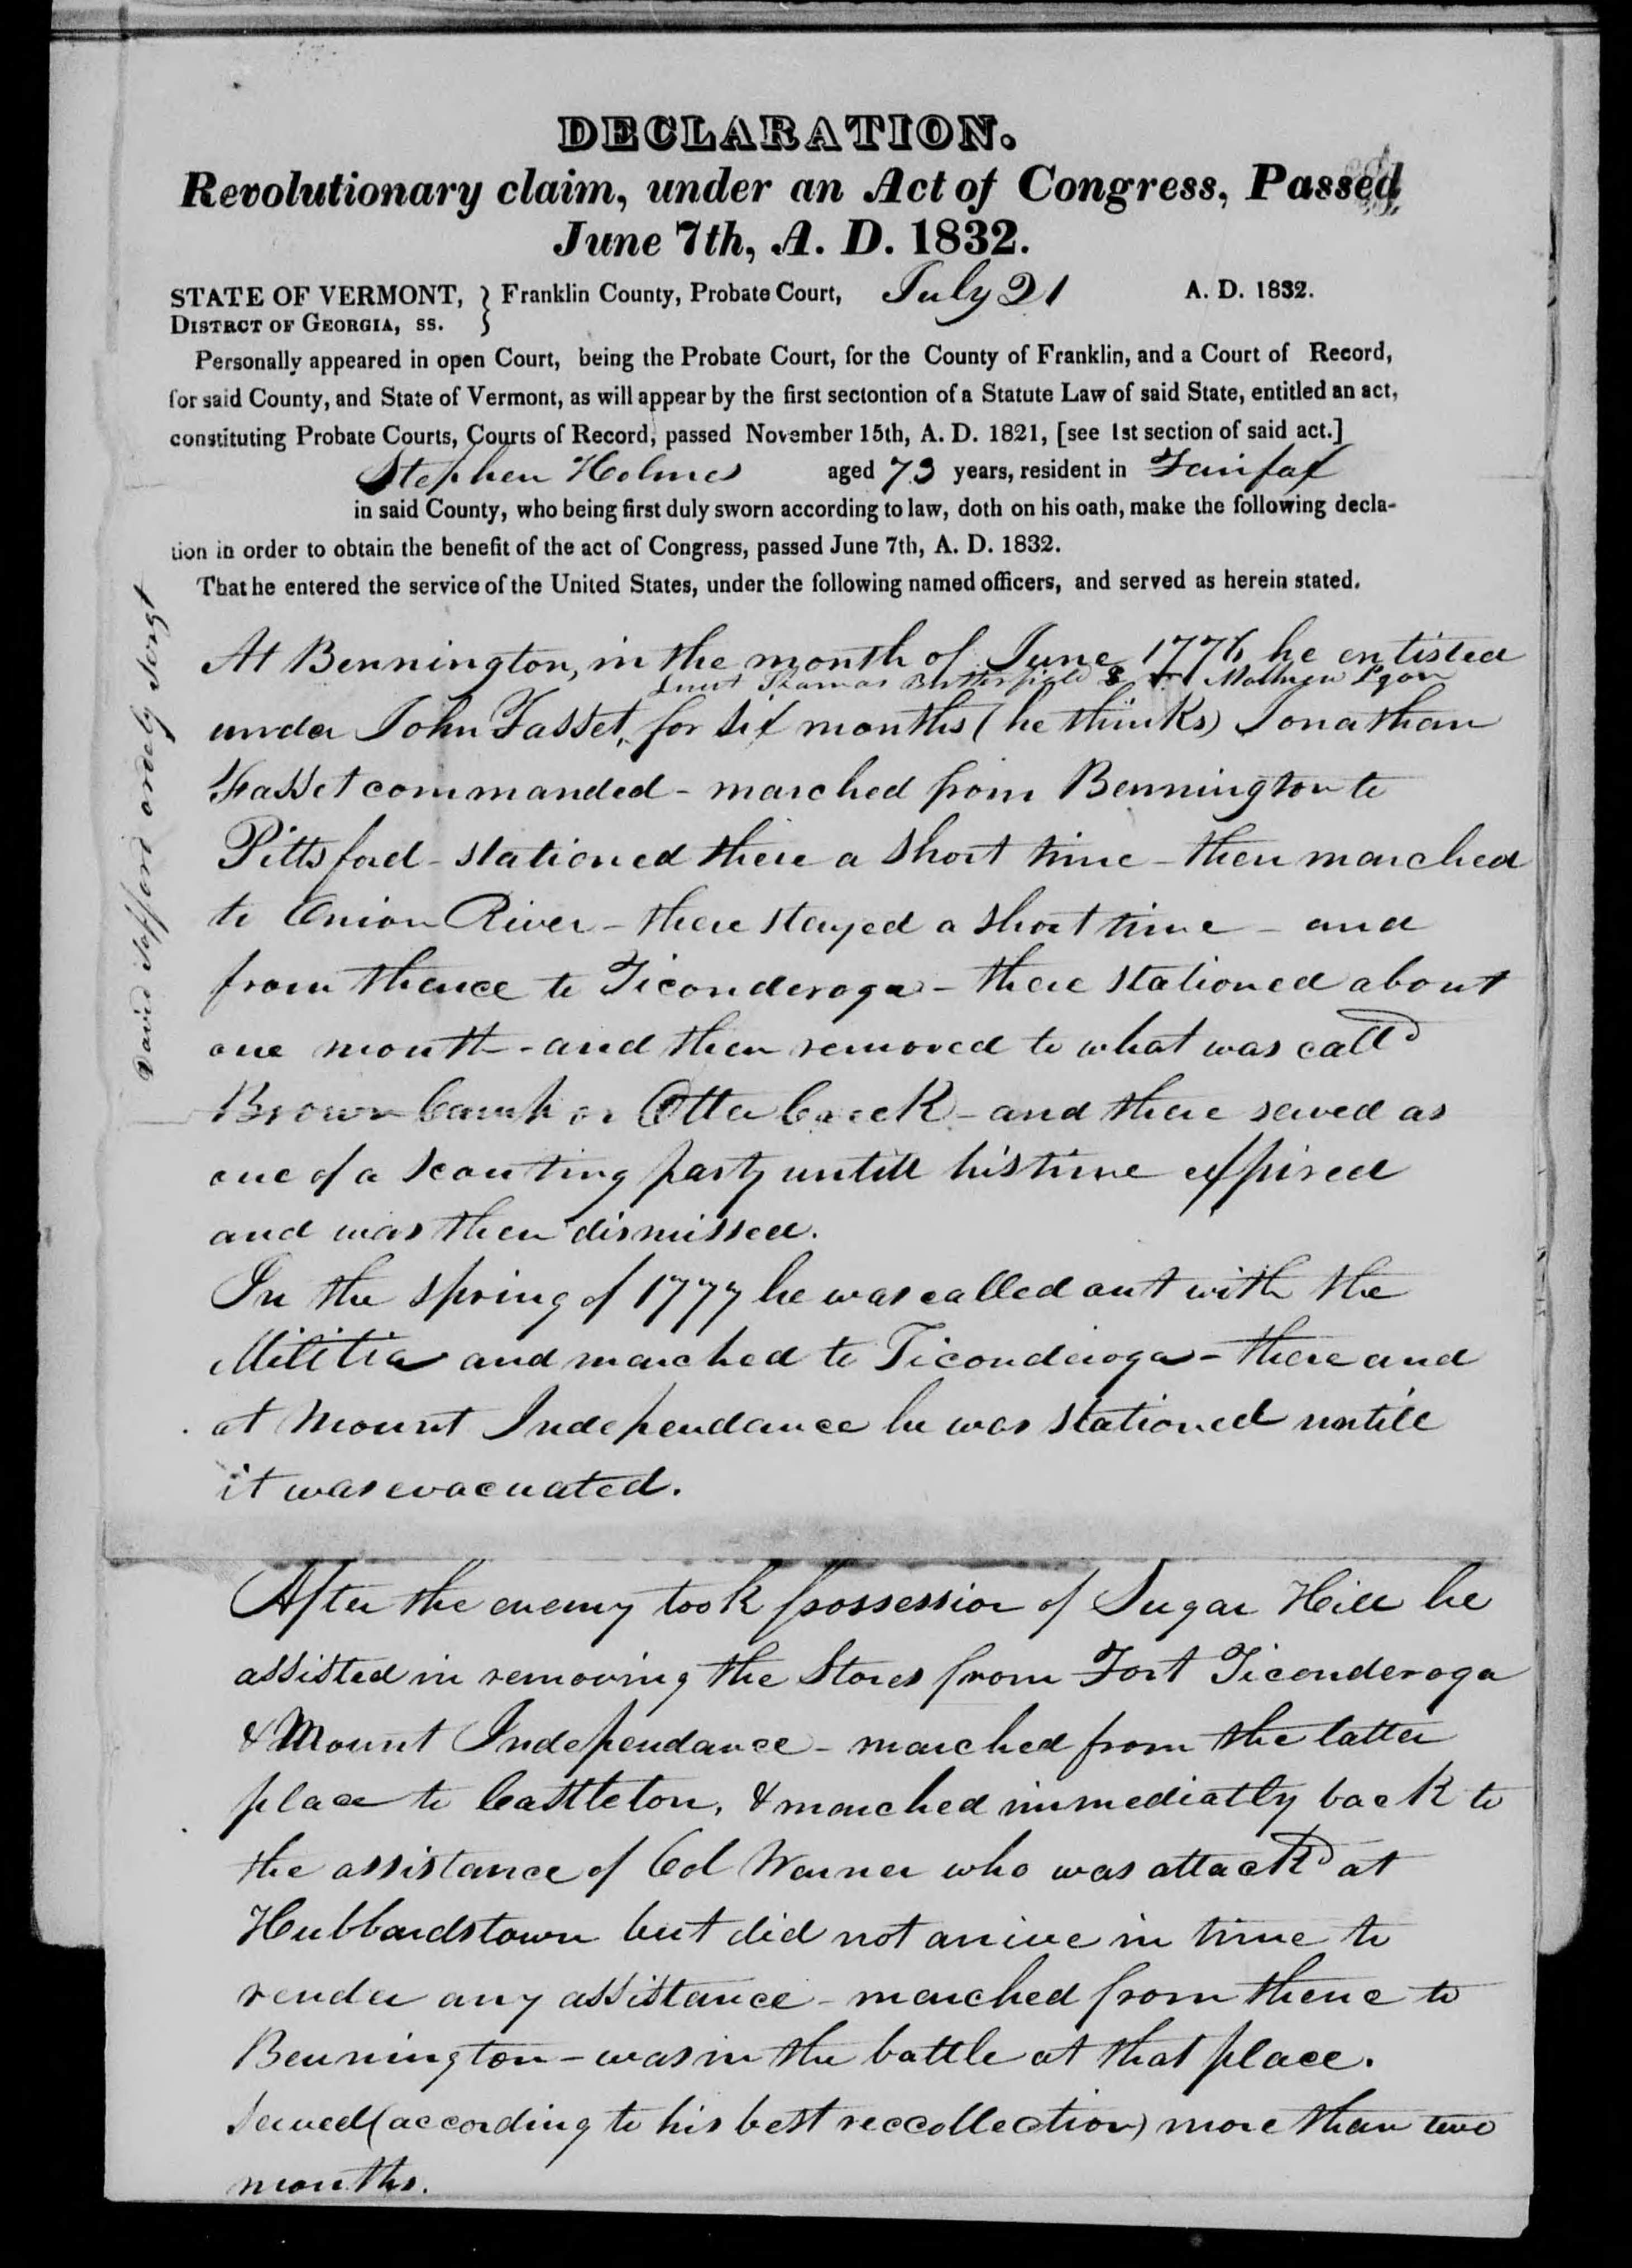DECLARATION.
Revolutionary claim, under and Act of Congress, Passed June 7th, A. D. 1832.

STATE OF VERMONT, DISTRICT OF GEORGIA, ss. 
Franklin County, Probate Court, July 21 A. D. 1832.

Personally appeared in open Court, being the Probate Court, for the County of Franklin, and a Court of Record, for said County, and State of Vermont, as will appear by the first sectontion of a Statute Law of said State, entitled an act, constituting Probate Courts, Courts of Record, passed November 15th, A. D. 1821, [see 1st section of said act.]
Stephen Holmes aged 73 years, resident in Fairfax in said County, who being first duly sworn according to law, doth on his oath, make the following declation in order to obtain the benefit of the act of Congress, passed June 7th, A. D. 1832.

That he entered the service of the United States, under the following named officers, and served as herein stated.

David Safford [illegible]

At Bennington, in the month of June 1776 he enlisted under John Fasset ^Lieut Thomas Butterfield [illegible] Matthew [illegible] for six months (he thinks) Jonathan Fasset commanded - marched from Bennington to Pittsford - stationed there a short time - then marched to Onion River - there stayed a short time - and from thence to Ticonderoga - there stated about one month - and then removed to what was calld Brown Creek or Otter Creek - and there served as one of a scourting party untill his time [illegible] and was then dismissed.

In the spring of 1777 he was called out with the Militia and marched to Ticonderoga - there and at Mount Independence he was stationed untill it was evacuated.

After the enemy took possession of Sugar Hill he assisted in removing the stones from Fort Ticonderoga & Mount Independance - marched from the latter place to Castleton, & marched immediately back to the assistance of Col Warner who was attackd at Hubbardstown but did not arrive in time to render any assistance - marched from there to Bennington - was in the battle at that place. Served (according to his best reccollection) more than two months.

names: David Safford, Mathew Lyon, Thomas Butterfield, Stephen Holmes, Warner, Jonathan Fasset, John Fasset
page: 40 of 72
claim: widow's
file: W. 7771, Stephen Holmes, Vt.